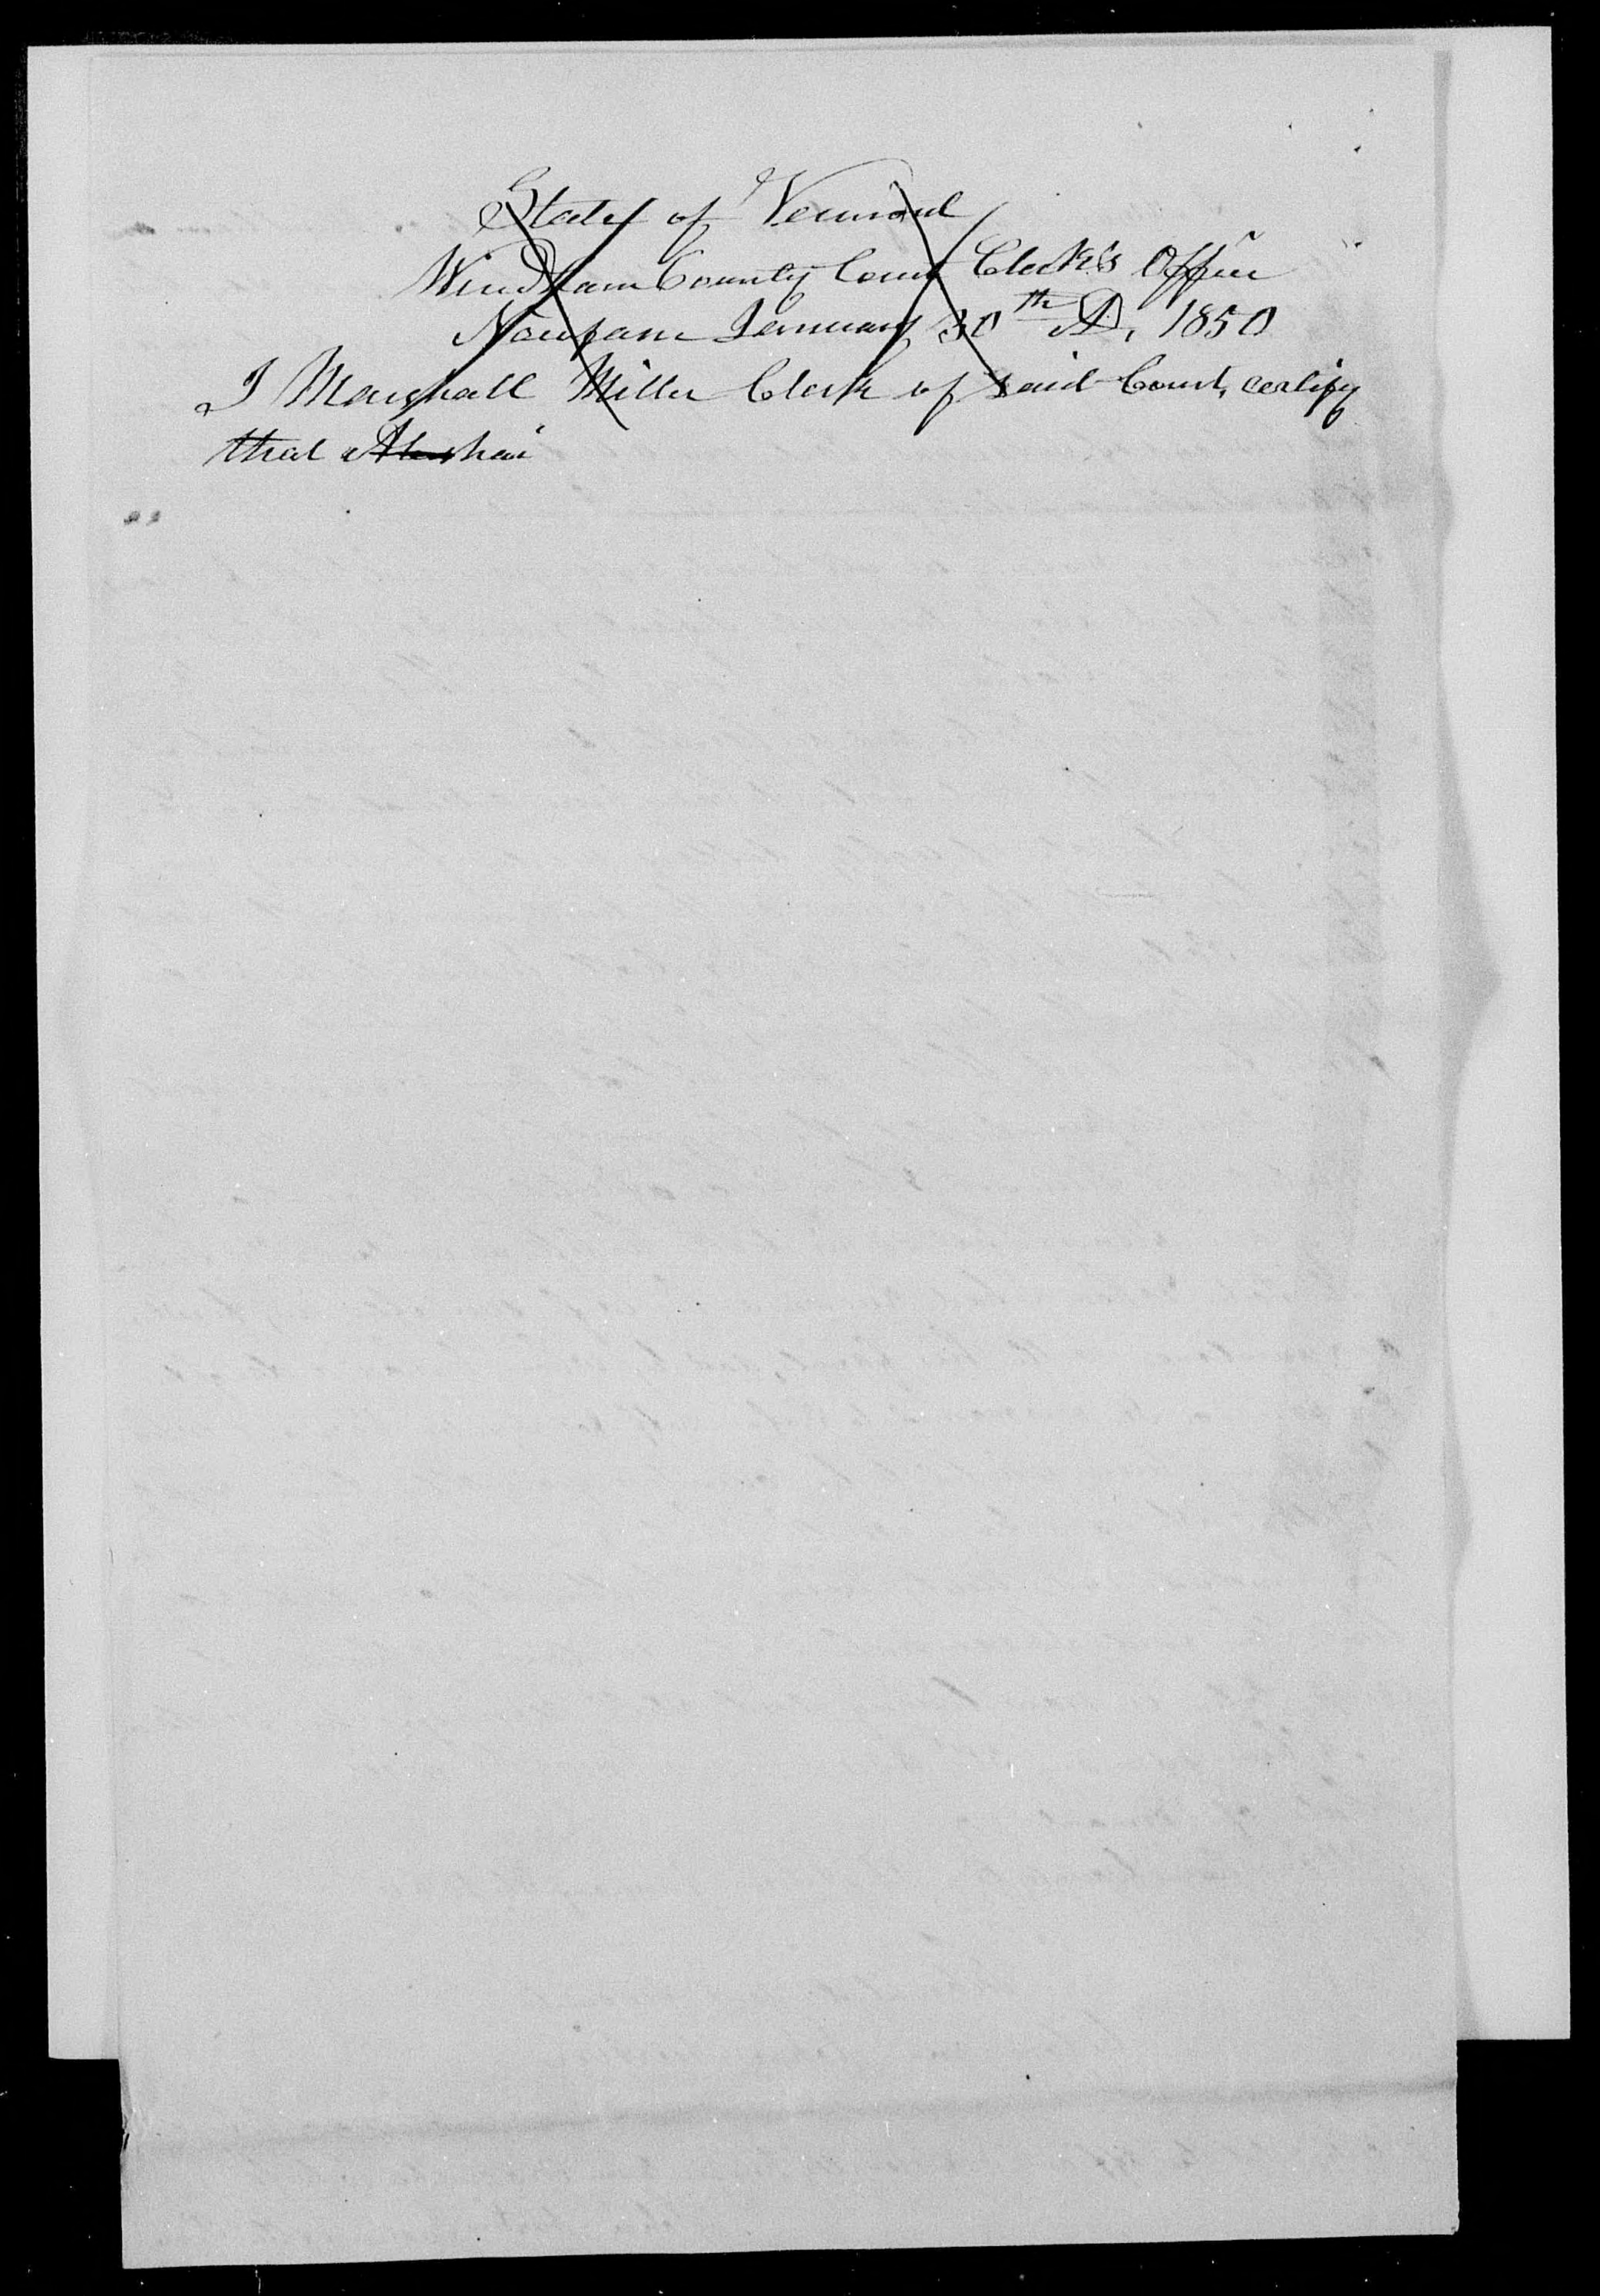[the following text is crossed out]
State of Vermont
Windham County Cort Clerk's Office
Newfane January 30th AD. 1850
I Marshall Miller Clerk of said Court certify that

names: Marshall Miller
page: 18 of 49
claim: widow's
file: W. 2164, for George Porter, Massachusetts